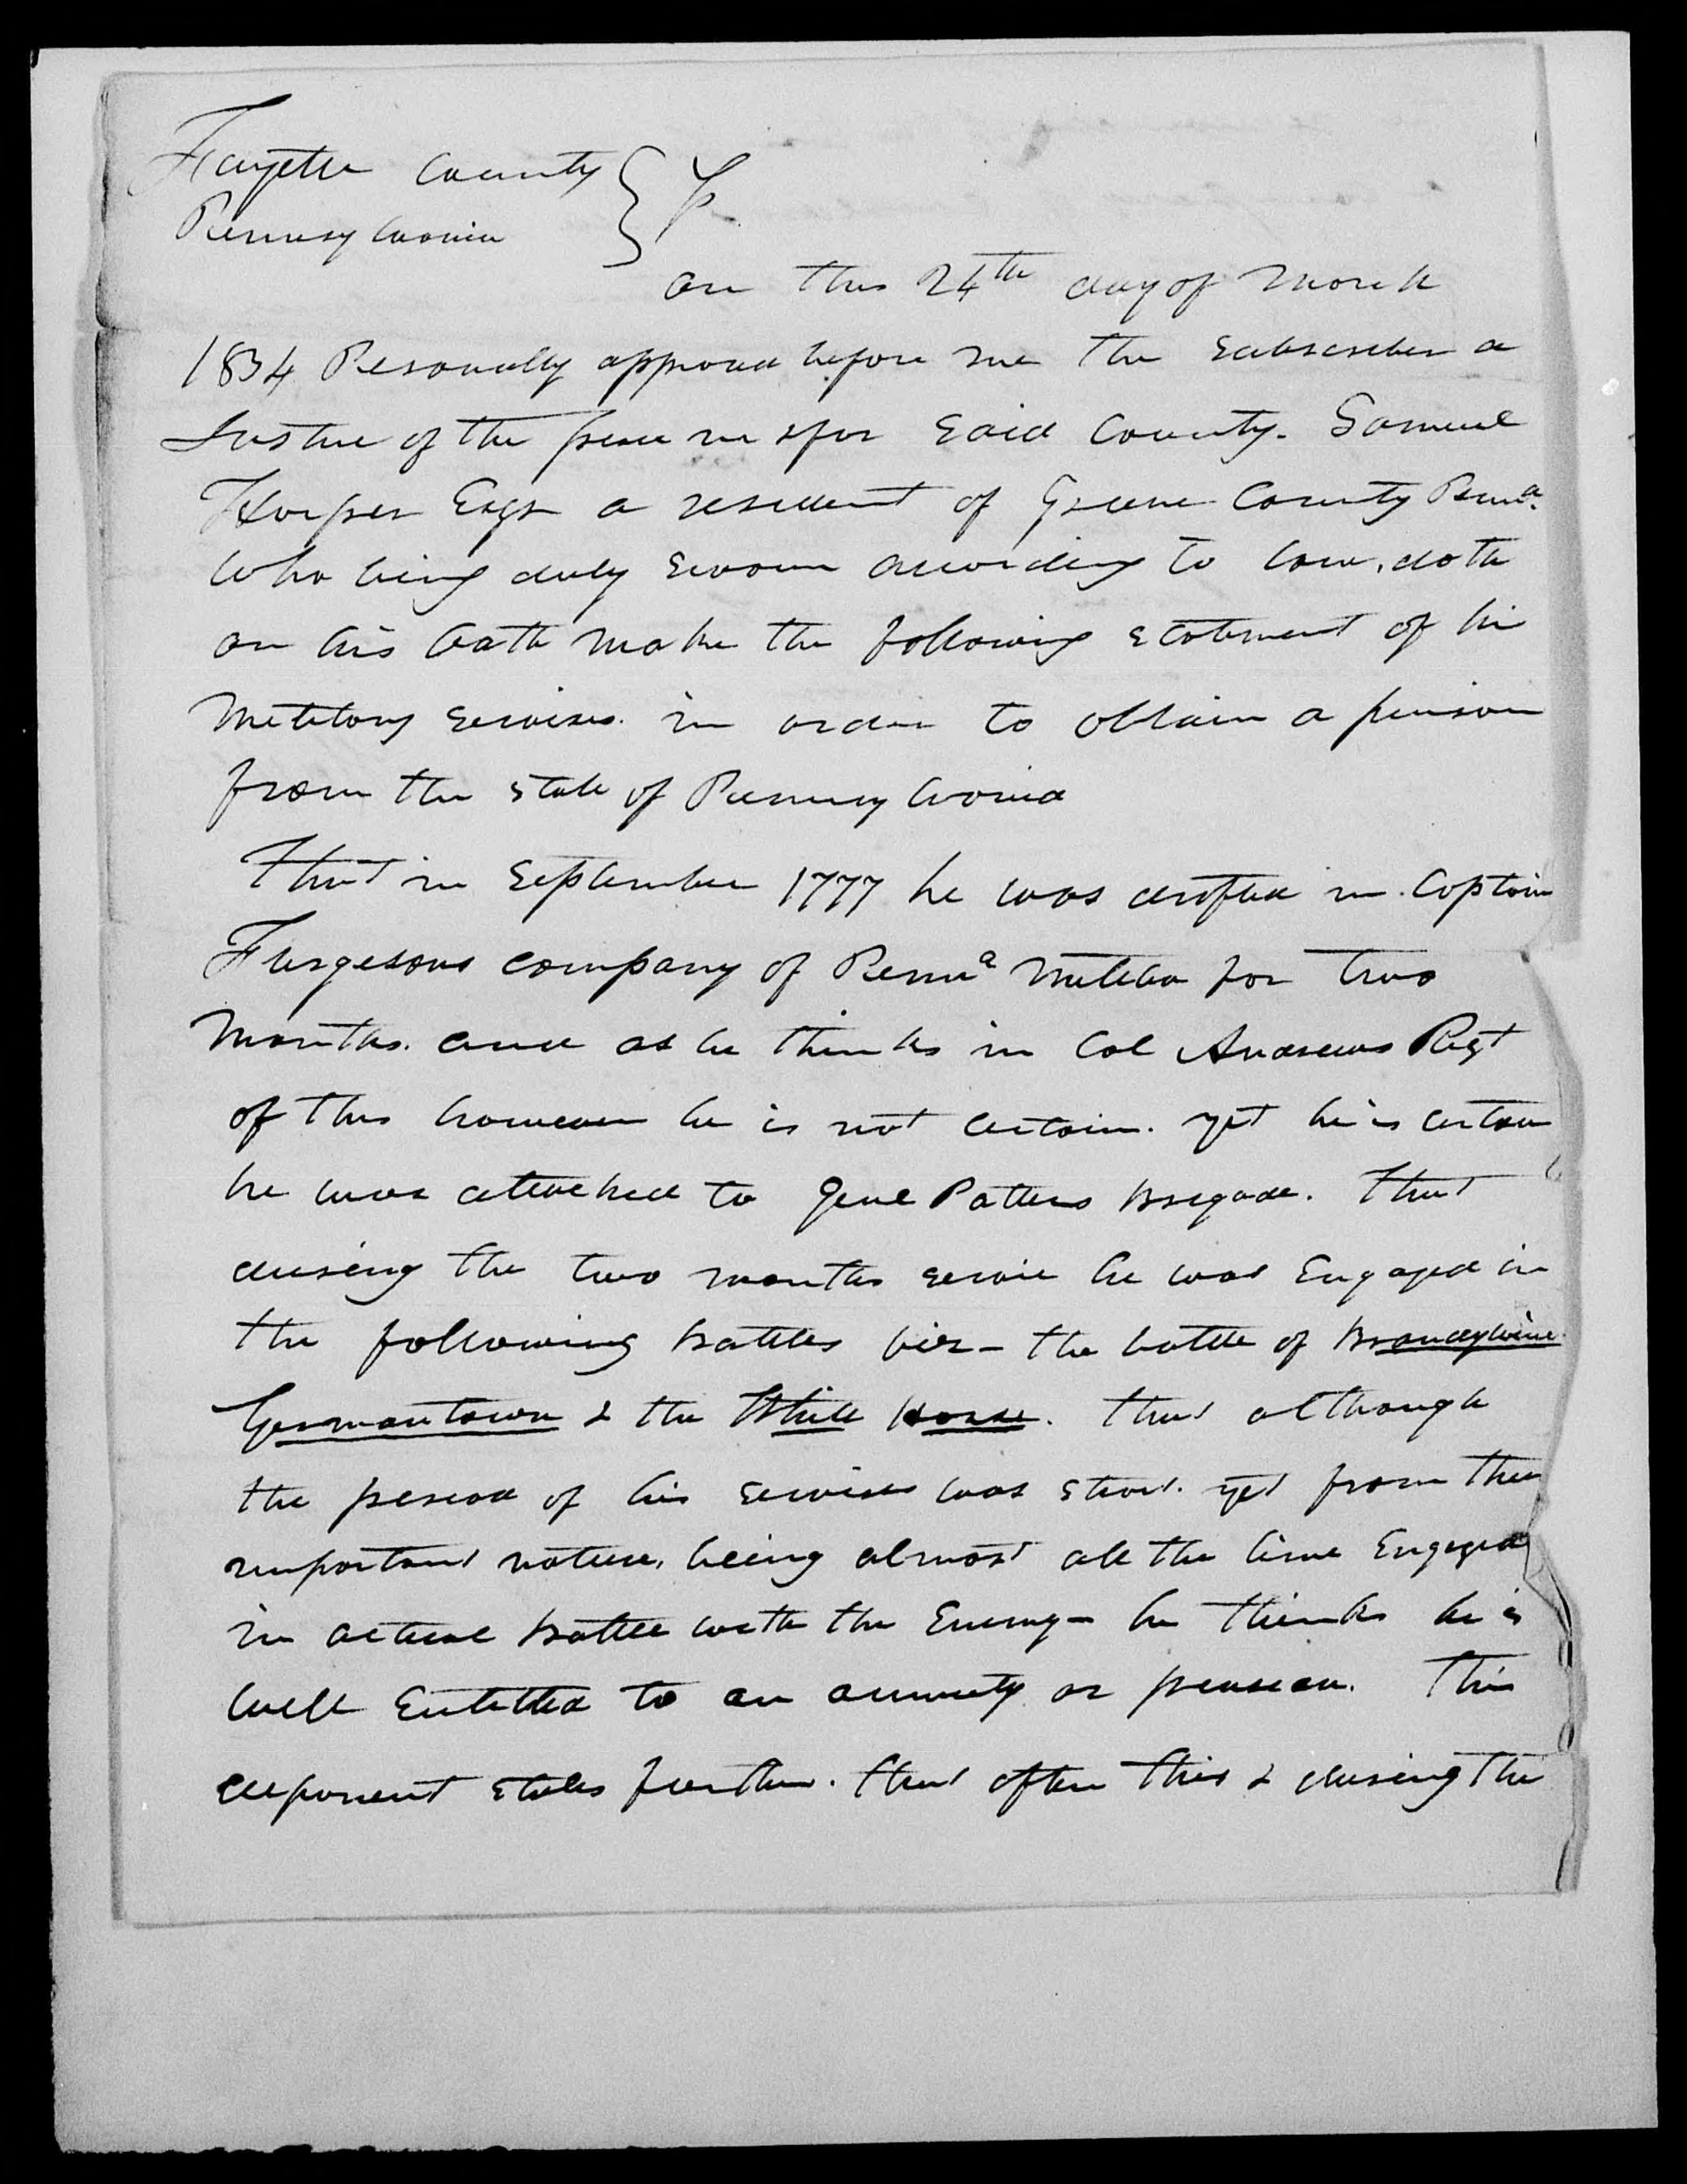Fayette County
Pennsylvania seal
On the 24th day of March 1834 Personally appeared before me the subscriber a Justice of the Peace {illegible} for said County. Samuel Hooper Esqr a resident of Greene County Penna. Who being duly sworn according to law, doth on his Oath make the following statement of his military services in order to obtain a pension from the state of Pennsylvania 
That in September 1777 he was drafted in Captain Fergusons company of Penna Militia for two months, and as he thinks in Col Andrews Regt of this however he is not certain. Yet he is certain he was attached to Gen Pattersons Brigade. That during the two months service he was Engaged in the following battles viz- the battle of Brandywine, Germantown & the White House. Thus although the period of his service was short. Yet from their unexpected nature, being almost at the line Engaged in actual battle with the English he thinks he's well entitled to an annuity or pension. This exponent stakes further. {Illegible} often this & during the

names: Samuel Harper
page: 70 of 81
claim: survivor's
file: S. 1908, Richard Harper, N.C.